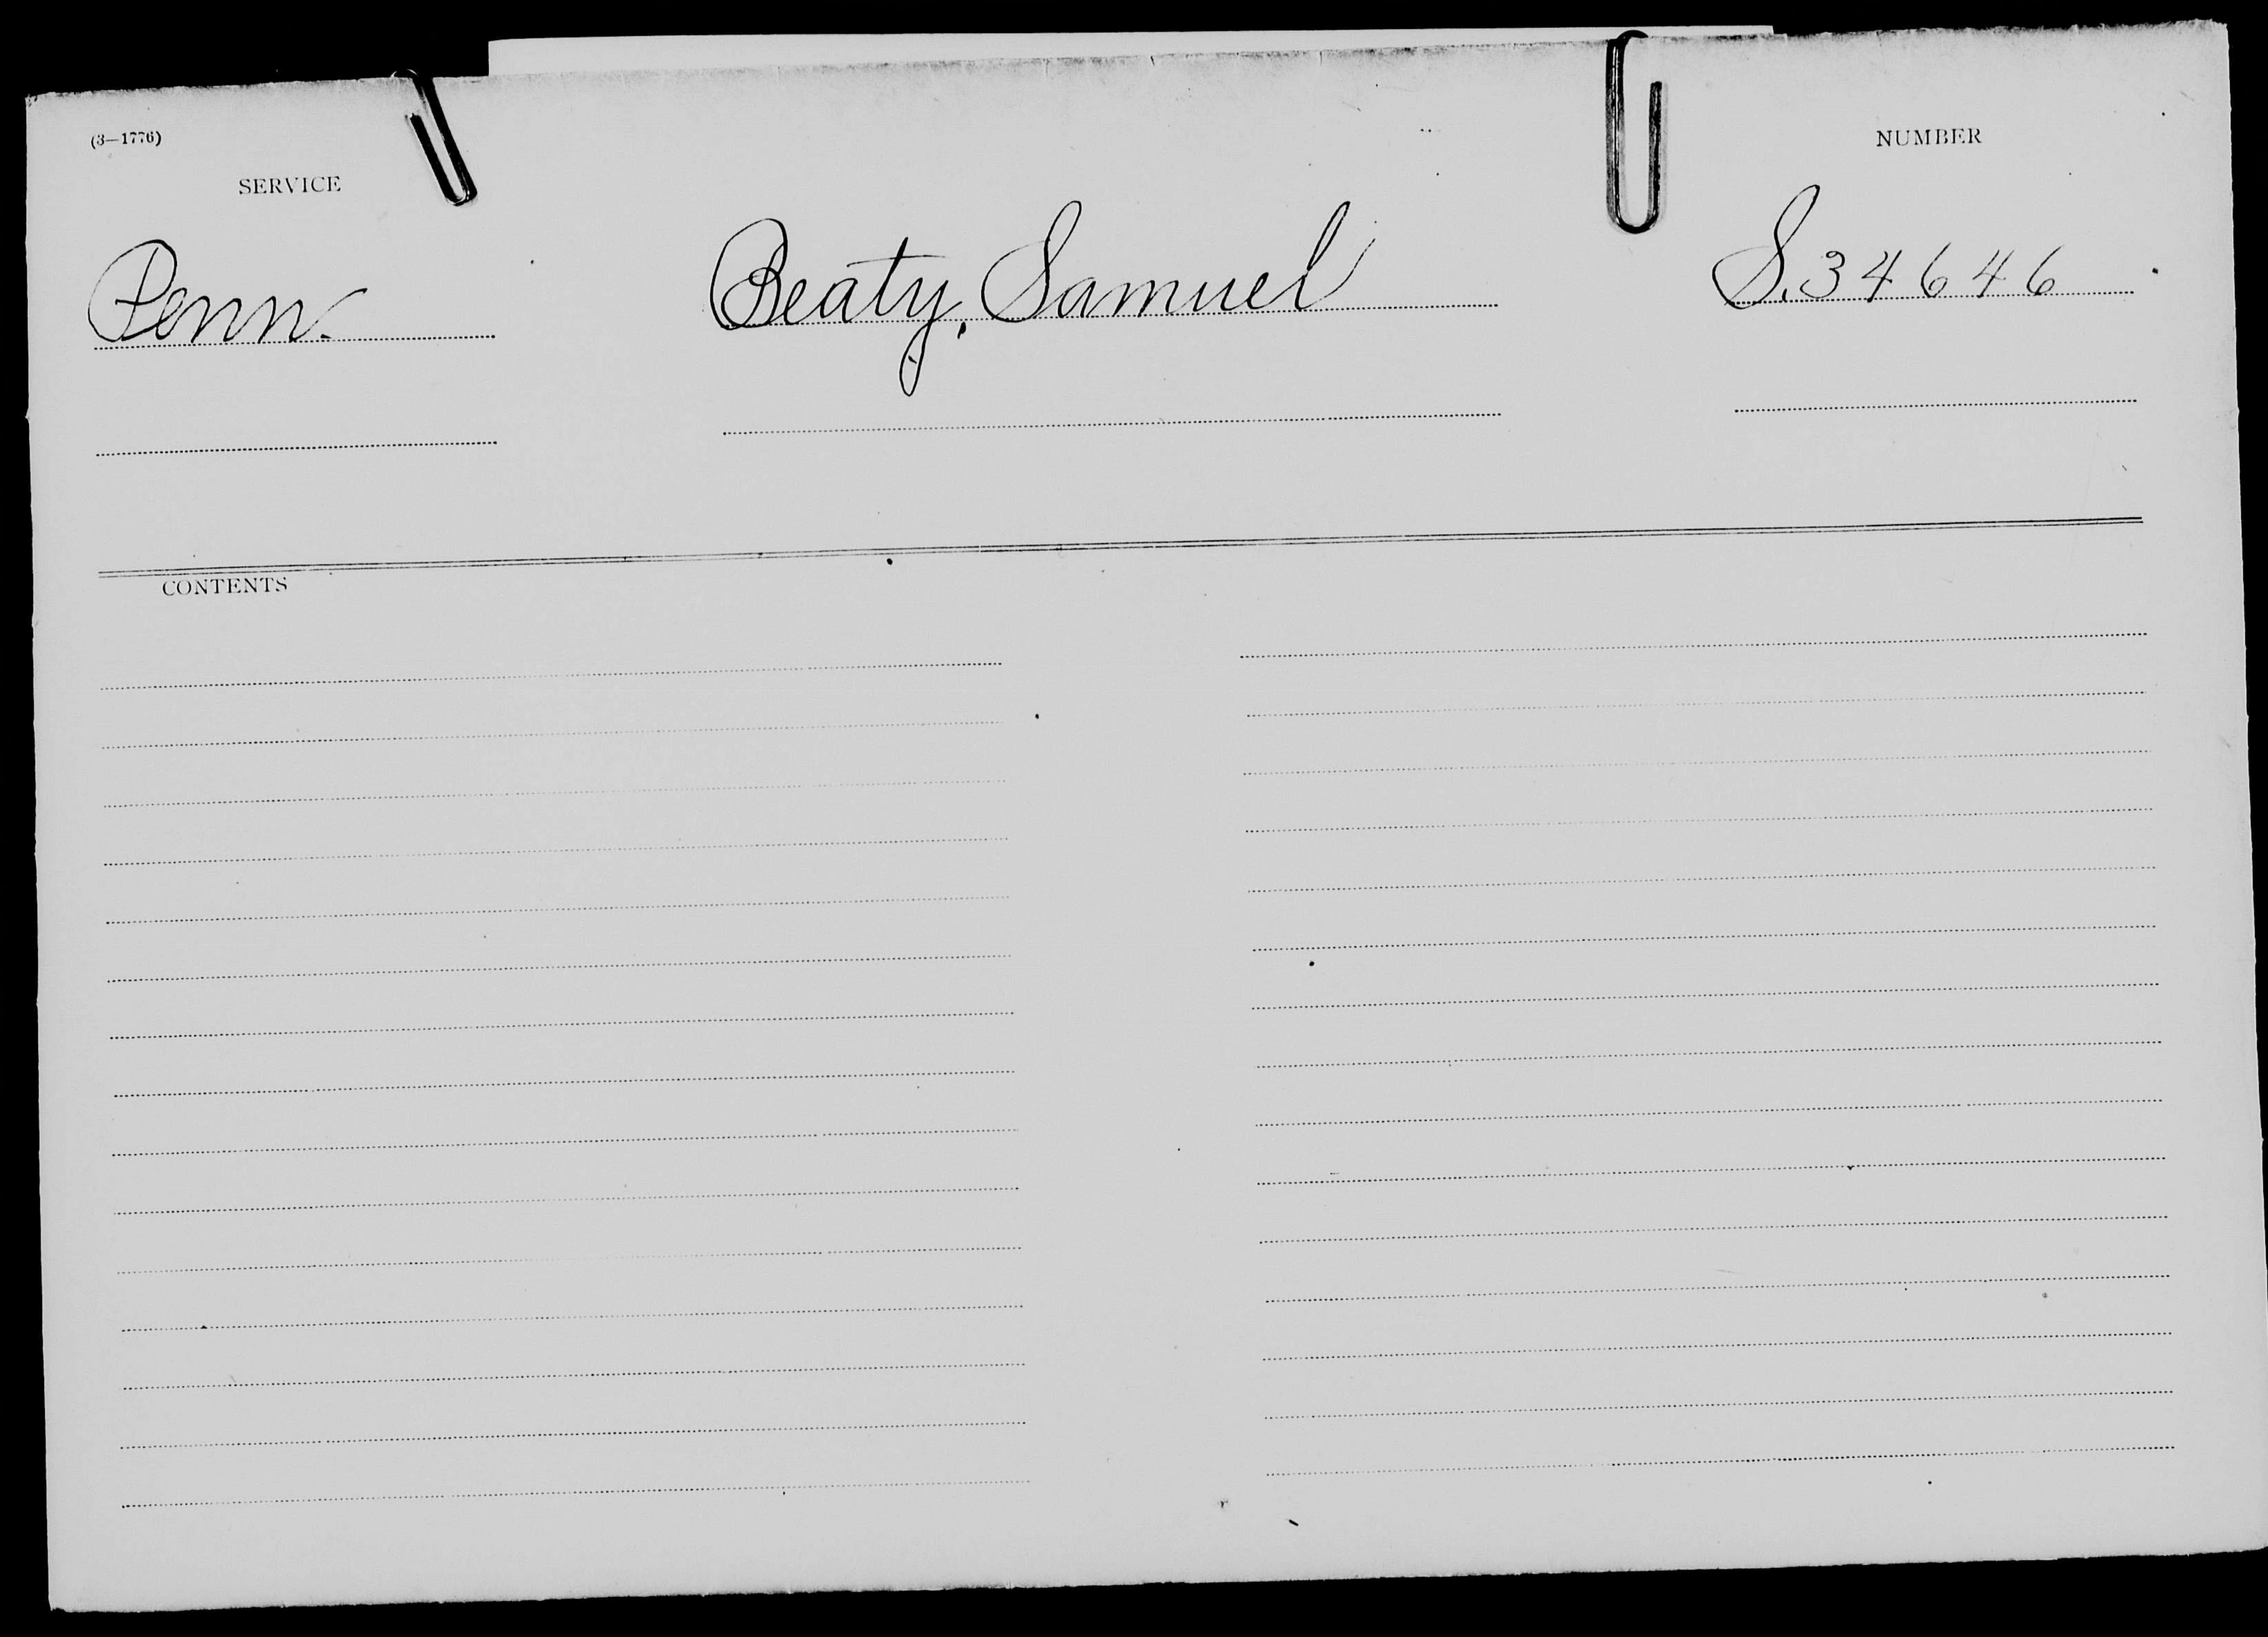(S-1776)

SERVICE NUMBER

[handwritten Penn. Beaty, Samuel S.34646]

CONTENTS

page: 1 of 31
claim: survivor's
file: S. 34646, Samuel Beaty, Penn.